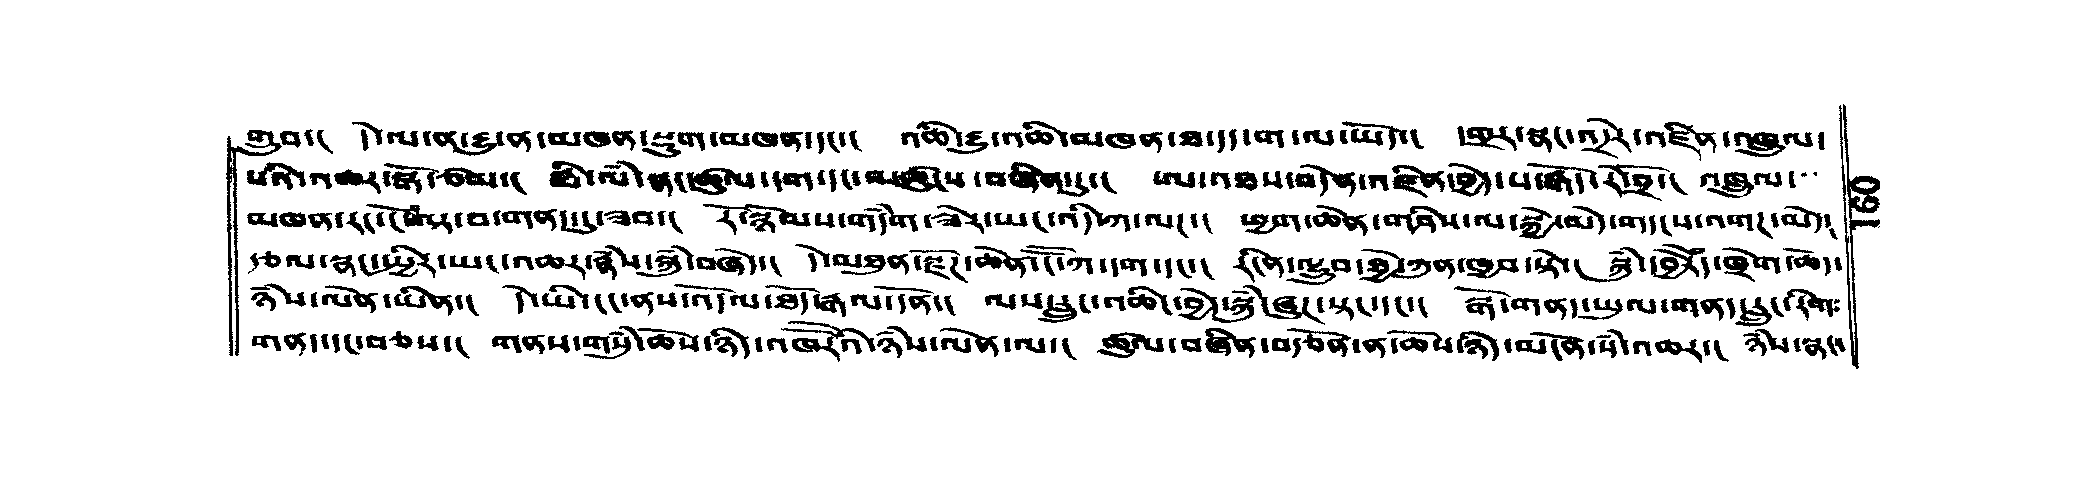གྲུབ། །དེ་ལ་ན་རྒྱུ་ན་མཁན་སྡུག་མཁན་དང་། །འཆི་རྒྱུ་འཆི་མཁན་ཐ་དད་ག་ལ་ཡོད། །དགྲར་སྣང་འདྲེར་འཛིན་འཁྲུལ་
པའི་འཆར་སྒོ་ཙམ། །རྨི་ལམ་སྣང་ཚུལ་དག་དང་མཚུངས་བཞིན་དུ། །ཨ་འཐས་བདེན་འཛིན་བྱེད་པ་རྒོད་རེ་བྲོ། །འཁྲུལ་
མཁན་རང་ངོ་ལྟ་བ་གནད་དུ་ཟབ། །རོ་སྙོམས་གདམས་ངག་ཟེར་ཡང་འདི་ཀ་ལགས། །ཕྱག་ཆེན་ག་ཤིས་ལ་སྐྱེ་མེད་གདངས་འགགས་མེད། །
རྩལ་སྣང་སྤྱིར་ཡང་འཆར་རྣམས་སྐུ་གསུམ་བཞེད། །དེ་མཐུན་རྫོགས་ཆེན་ངོ་བོ་ཀ་དག་དང། །རང་བཞིན་ལྷུན་གྲུབ་ཐུགས་རྗེ་ཀུན་ཁྱབ་སྟེ། །སྐུ་གསུམ་དབྱེར་མེད་ཁྲེགས་ཆོད་
ཉམས་ལེན་ཡིན། །དེ་ཡི་ངང་ནས་འོད་གསལ་ཐོད་རྒལ་དོན། །ལས་རླུང་འཆིང་བྱེད་སྐུ་གསུམ་ཞུགས་སྟང་དང་། །སྒོ་གནད་ཡུལ་གནད་རླུང་རིག་
གནད་དང་བཅས། །གནས་གསུམ་ཆོས་ཉིད་འཁོར་བའི་ཉམས་ལེན་ལ། །ཚུལ་བཞིན་བརྩོན་ན་ཆོས་ཉིད་མངོན་སུམ་འཆར། །ཉམས་སྣང་